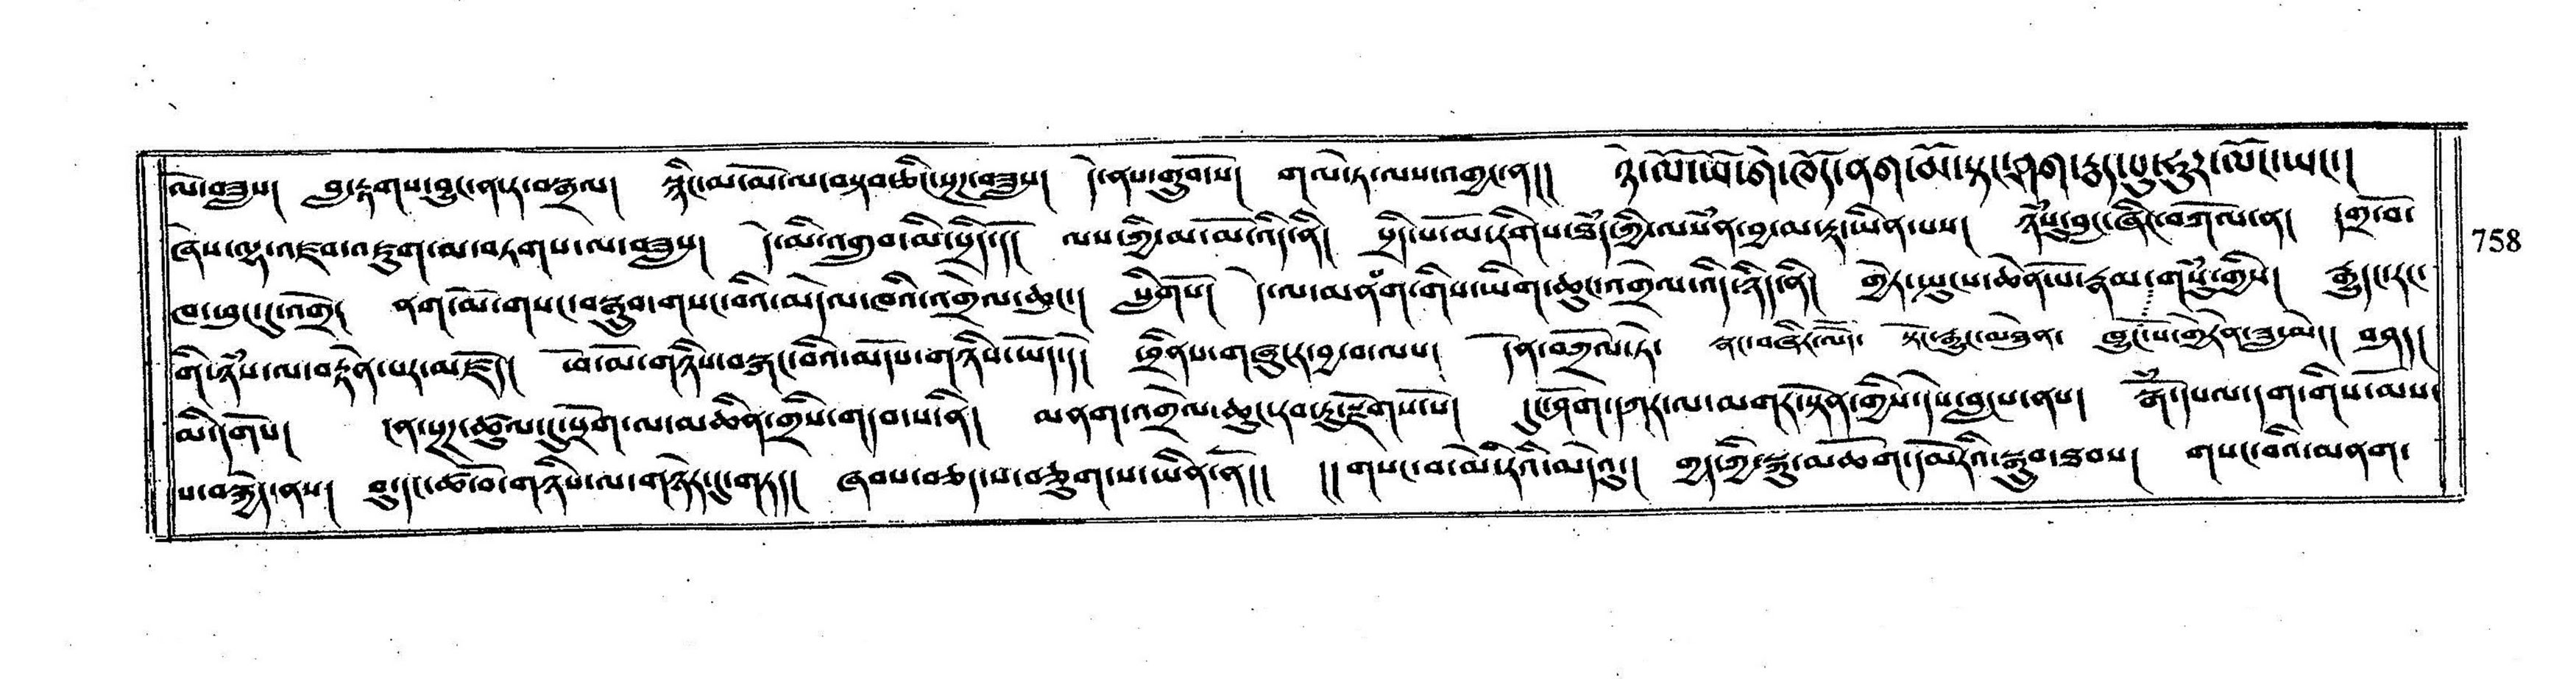མོ་བཟླས། བླ་རྟགས་བྱུང་ན་ར་བསྒྲལ། སྙིང་མ་མོ་ལ་བསྟབ་ཅིང་སྔགས་བཟླས། དེ་ནས་གྲུབ་པོ། གལ་ཏེ་ལས་འགྱང་ན།། ཉེ་ལོ་ཡོ་གེ་ཁོད་ནག་མོ་སྟང་ཤག་རྦད་པུ་ཧུར་ལོང་ཡང་། 
ཞེས་ལྷ་འཛབ་འཇུག་མ་བཏགས་ལ་བཟླས། དེ་མི་འགྲུབ་མི་སྲིད་དོ། ལས་ཀྱི་མ་མོ་འདི་ནི། སྲིད་པ་མོ་རིགས་ཐམས་ཅད་ཀྱི་ལས་མཁན་བྱ་མ་རྟ་ཡིན་པས། ཉམས་སུ་བླང་ཞིང་བཀོལ་ན། དགྲ་བོ་
ཁ་ཕུང་དུ་འགྲོ། ནག་མོ་གསང་བསྒྲུབ་གསང་བའི་མདེལ་ཁའི་འགྲེལ་ཆུང་། སླིགསོ། དེ་ལ་མན་ངག་གིས་ཡིག་ཆུང་འགྲེལ་འདི་ཉིད་ནི། གྱེར་སྤུངས་ཆེན་པོ་རྣམ་གསུམ་གྱིས།༼སྣང་བཞེར་ལོད་པོ་སྟོང་རྒྱུང་མཐུ་ཆེན་ཁྱུང་པོ་གྱེར་ཆེན་ཟླ་མེད།༽ རྒྱུད་དང་རང་
གི་ཉམས་ལ་བརྟེན་པར་མཛོད། ཕོ་མོ་གཉིས་བསྐང་བའི་མདོས་གཉིས་ཡོད་དེ། ཕྲིན་ལས་གཞུང་ལྟར་བྱ་བ་ལས། དོན་བཀྲོལ་ཏེ་བཤད་
མི་དགོས། ངན་སྔགས་ཚུལ་དུ་སྲོག་ལ་མཆིན་གྲིས་གདབ་པ་ནི། མན་ངག་འགྲེལ་ཆུང་རབ་ཏུ་རྫོགས་སོ། དུང་ཤོག་དཀར་ལ་མགར་སྟོན་གྱིས་དེས་བླངས་ནས། སྒོམ་དཔལ་དག་གིས་མོས་
པ་བསྐྱེད་ནས། བུ་དང་ཚོ་བ་གཉིས་ལ་གཉེར་དུ་གཏད། ཞབས་བཅད་པ་བཅུག་པ་ཡིན་ནོ།། །།གསང་བ་མེ་རིའི་མདེའུ། གྱད་ཀྱི་སྐུ་མཆོག་དམར་པོའི་སྒྲུབ་ཐབས། གསང་བའི་མན་ངག་